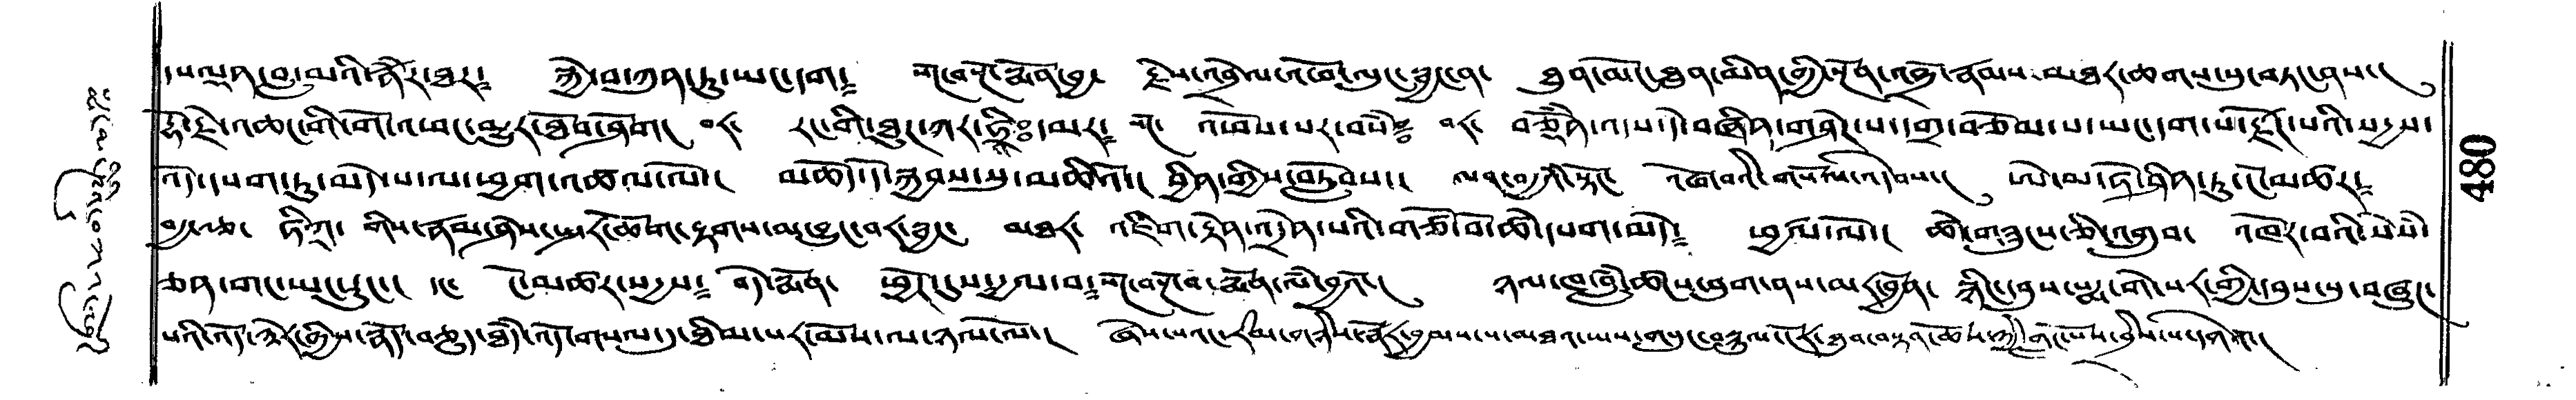དཔལ་ལྡན་བླ་མའི་རྣམ་པར་ཐར༴ སྐྱེ་བ་ཀུན་ཏུ་ཡང་དག༴ སོགས་བསྔོ་སྨོན་བྱ། རྗེས་འབྲེལ་འཕོ་ལུང་སྦྱང་ན། ཐུན་མོང་ཐུན་མིན་གྱི་སྔོན་འགྲོ་རྣམས་མཐར་ཆགས་སུ་བཏང་ནས། 
རྡོ་རྗེ་འཆང་གི་གོ་འཕང་མྱུར་ཐོབ་ཤོག བར། རང་གི་ཐུགས་ཀར་ཧྲཱིཿདམར༴ སོགས། འཕོས་པར་བསམ༔ བར། བཅོམ་ལྡན་འདས་དེ་བཞིན་གཤེགས་པ་དགྲ་བཅོམ་པ་ཡང་དག་པ་རྫོགས་པའི་སངས་རྒྱས་
འོད་དཔག་ཏུ་མེད་པ་ལ་ཕྱག་འཚལ་ལོ། མཆོད་དོ་སྐྱབས་སུ་མཆིའོ། བྱིན་གྱིས་རློབས། ལན་བརྒྱའམ་སྟོང་། འཕོ་བའི་གསོལ་འདེབས། ཨེ་མ་ཧོ། ཤིན་ཏུ་ངོ་མཚར༴
བརྒྱ་རྩ། ཧིཀཱ། གིས་རྣམ་ཤེས་སྤར་ཆོག་རྟགས་མ་བྱུང་བར་སྦྱང་། མཐར། འཇིག་རྟེན་འདྲེན་པའི་གཙོ་བོ་ཚེ་དཔག་མེད༴ ཕྱག་འཚལ་ལོ། ཚེ་གཟུངས་ཅི་འགྲུབ། འཁོར་བའི་སེམས་
ཅན་གང་ཡང་རུང་། སོགས་དང་། ངོ་མཚར་སངས་རྒྱས༴ བདེ་སྨོན། ཕྱོགས་དུས་རྒྱལ་བ༴སོགས་བསྔོ་བ་སྨོན་ལམ་བྱའོ། ཉལ་ཁ་བླ་མ་ཚངས་བུག་ནས་མར་བྱོན། སྙིང་དབུས་པདྨ་གེ་སར་གྱི་དབུས་སུ་བཞུགས་
པའི་འོད་ཟེར་གྱིས་སྣོད་བཅུད་ཐམས་ཅད་འོད་གསལ་དུ་ཐིམ་པར་མོས་ལ་ཉལ་ལོ། ཞེས་པའང་རིམ་གཉིས་སྣོར་བྱམས་པ་མཐའ་ཡས་གསུང་བསྐུལ་ངོར་ཐུབ་བསྟན་ཆོས་ཀྱི་གླང་པོས་བྲིས་པ་དགེའོ།།